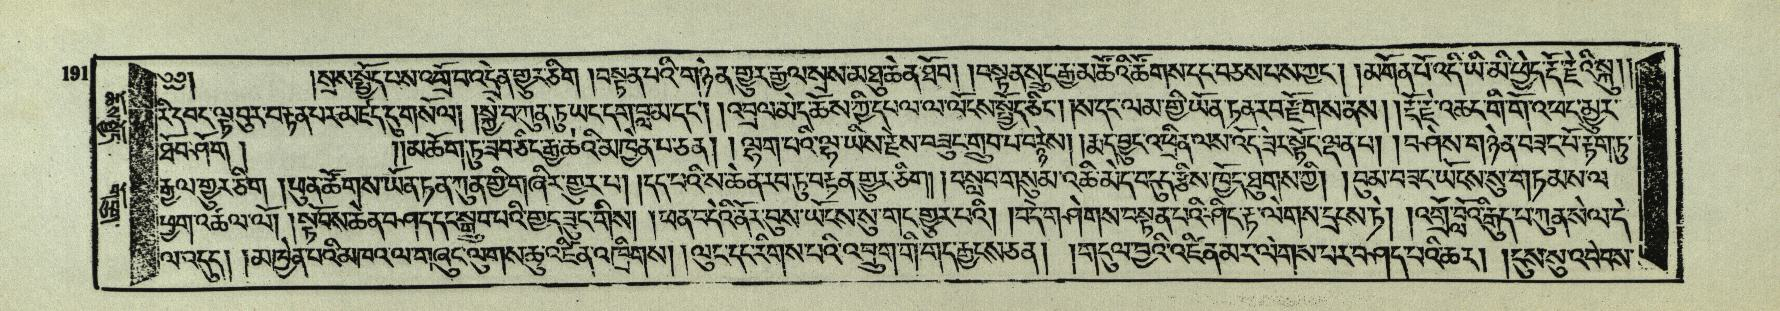༄༅། །སྲས་སྤྱོད་པས་འགྲོ་བ་འདྲེན་གྱུར་ཅིག །བསྟན་པའི་གཉེན་གྱུར་རྒྱལ་སྲས་མཐུ་ཆེན་ཐོབ། །བསྟན་སྲུང་རྒྱ་མཚོའི་ཚོགས་དང་བཅས་པས་ཀྱང་། །མགོན་པོ་འདི་ཡི་མི་ཕྱེད་རྡོ་རྗེའི་སྐུ། །
རི་དབང་ལྟ་བུར་བརྟན་པར་མཛད་དུ་གསོལ། །སྐྱེ་བ་ཀུན་ཏུ་ཡང་དག་བླ་མ་དང་། །འབྲལ་མེད་ཆོས་ཀྱི་དཔལ་ལ་ལོངས་སྤྱོད་ཅིང་། །ས་དང་ལམ་གྱི་ཡོན་ཏན་རབ་རྫོགས་ནས། །རྡོ་རྗེ་འཆང་གི་གོ་འཕང་མྱུར་
ཐོབ་ཤོག ། །།མཆོག་ཏུ་ཟབ་ཅིང་རྒྱ་ཆེའི་མཁྱེན་པ་ཅན། །ལྷག་པའི་ལྷ་ཡིས་རྗེས་བཟུང་གྲུབ་པ་བརྙེས། །རྨད་བྱུང་འཕྲིན་ལས་འོད་ཟེར་སྟོང་ལྡན་པ། །བཤེས་གཉེན་བཟང་པོ་རྟག་ཏུ་
རྒྱལ་གྱུར་ཅིག །ཕུན་ཚོགས་ཡོན་ཏན་ཀུན་གྱི་གཞིར་གྱུར་པ། །དད་པའི་ས་ཆེན་རབ་ཏུ་བརྟན་གྱུར་ཅིག། །བསླབ་གསུམ་འཆི་མེད་བདུད་རྩིས་ཁྱོད་ཐུགས་ཀྱི། །བུམ་བཟང་ཡོངས་སུ་གཏམས་ལ་
ཕྱག་འཚལ་ལོ། །སྟོབས་ཆེན་བཤད་དང་སྒྲུབ་པའི་གྱད་ཟུང་གིས། །ཕན་བདེའི་ནོར་བུས་ཡོངས་སུ་གང་གྱུར་པའི། །བདེ་གཤེགས་བསྟན་པའི་ཤིང་རྟ་ལེགས་དྲངས་ཏེ། །འགྲོ་བློའི་རྒུད་པ་ཀུན་སེལ་དེ་
ལ་འདུད། །མཁྱེན་པའི་མཁའ་ལ་གཞུང་ལུགས་ཆུ་འཛིན་འཁྲིགས། །ལུང་དང་རིགས་པའི་འབྲུག་གི་གད་རྒྱངས་ཅན། །གདུལ་བྱའི་འཛིན་མར་ལེགས་པར་བཤད་པའི་ཆར། །དུས་སུ་འབེབས་